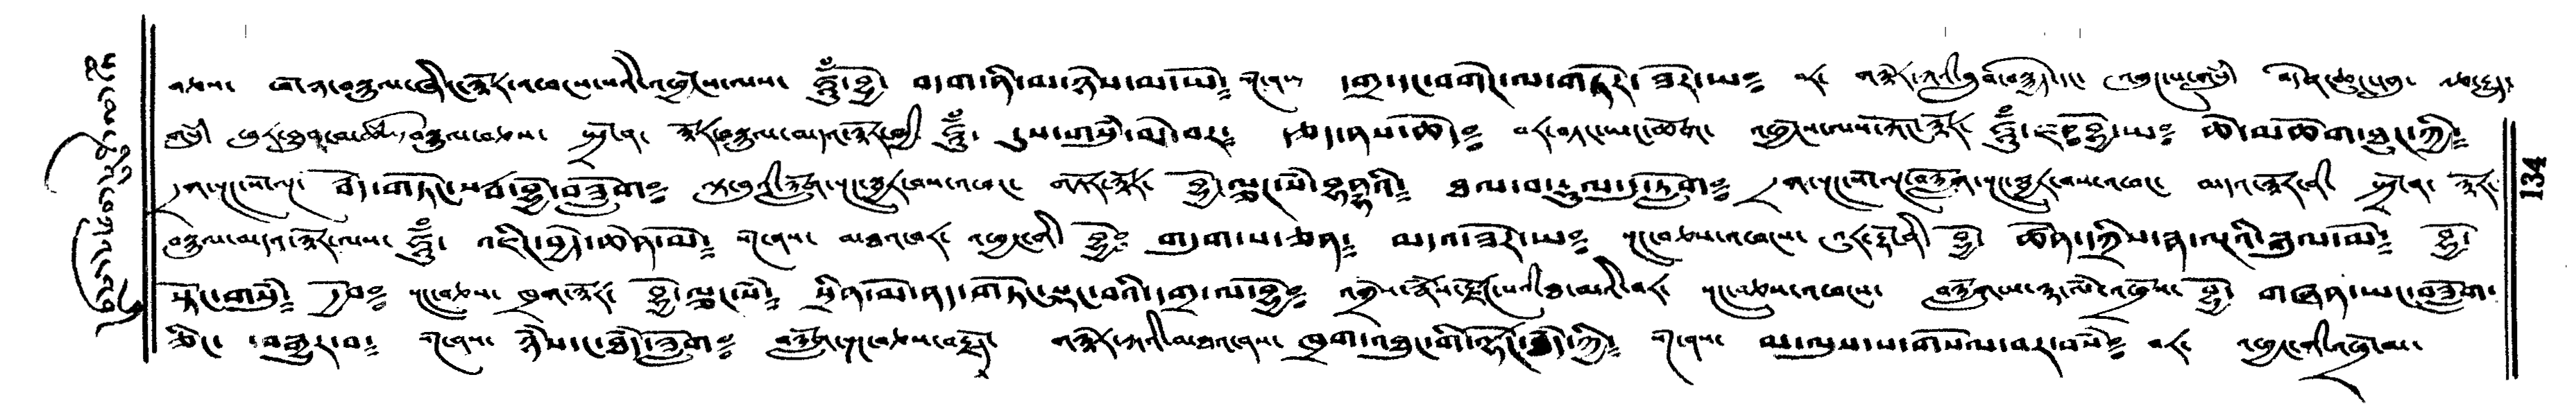བཅས། ཕོ་ཉ་བསྐུལ་ཞིང་ཟོར་འཕང་པའི་འཕྱོངས་ལས། ཧཱུྃ་བྷྱོ༔ བདག་ནི་མ་ཉེས་མ་ཡོ༴ སོགས་ནས། དགྲ་དང་བགེགས་ལ་གཏོར་ཟོར་ཡ༔ བར། གཟེར་ཀའི་བྲུབ་སྐྱེད་དང་། འགུགས་པ་གསུམ། བདེན་ཆུང་དགུ རྩ་རྒྱུད་
གསུམ། ཕུར་ཐུན་མཚམས་སྐུལ་བཅས། སྤྲོ་ན། ཟོར་སྐུལ་མདའ་ཟོར་གྱི། ཧཱུྃ༔ དུས་གསུམ་མེ་འབར༴ རྩད་ནས་ཆོད༔ བར་བཏང་ཡང་ཆོག འཕྱོངས་ལས་ཀོང་ཟོར ། ཧཱུྃ་ཛཿབྷྱོ་ཡ༔ ཆེ་མཆོག་ཐུགས་ཀྱི༴ 
དྲག་སྔགས་སོ་ལྔ། རྦོད་གཏོང་སརྦ་བྷྱོ་བཟློག༔ ལྟ་བུའི་ཟློག་སྔགས་སྦྱར་བས་འཕང་། གཏོར་ཟོར། བྷྱོ༔ ལྕགས་སམ་བྷནྡྷའི༴ ཐལ་བ་རྡུལ་དུ་རློགས༔ དྲག་སྔགས་སོ་ལྔ་ཟློག་སྔགས་སྦྱར་བས་འཕང་། མདའ་ཟོར་ནི། སྤྲོ་ན། ཟོར་
སྐུལ་མདའ་ཟོར་ལས། ཧཱུྃ༔ འཇིགས་བྱེད་ཆེན་མོ༴ སོགས་ནས། མཐའ་བར། འཕྱང་གི བྷྱོ༔ གདུག་པ་ཅན༴ མདའ་ཟོར་ཡ༔ སྔགས་བཅས་འཕང་། འུར་རྡོ་ནི། བྷྱོ༔ ཚོན་དཀྲིས་སྣ་ལྔའི་སྒུལ་མོ༴ བྷྱོ༔ 
སྟོང་གསུམ༴ རྒྱོབ༔ སྔགས་བཅས། ཁྲག་ཟོར། བྷྱོ༔ལྕགས་སམ༴ སྲིན་མོ་ནད་གཏོང་སྡང་བའི་དགྲ་ལ་བྷྱོ༔ འགྲེས་རྣམས་རྫོགས་པའི་ཐ་མའི་བར། སྔགས་བཅས་འཕང་། ཟློག་པ་ཟ་ལམ་འཕྲོས། བྷྱོ༔ གཞན་ཡང་ཟློག་
ཅིང་དབང་སྒྱུར་བ༴ སོགས་ནས། ཉམས་ང་ཐམས་ཅད་བཟློག༔ ཟློག་སྔགས་བཅས་བརྗོད། གཟེར་ཀའི་མཐའ་ནས། ཁྲག་འཐུང་གི་ལྷ་ཚོགས་ཐམས་ཅད་ཀྱི༴ སོགས་ནས། མ་ལུས་པ་གསོལ་བར་བསམ། བར། འཕྱང་གི་འཕྲོ་མ་